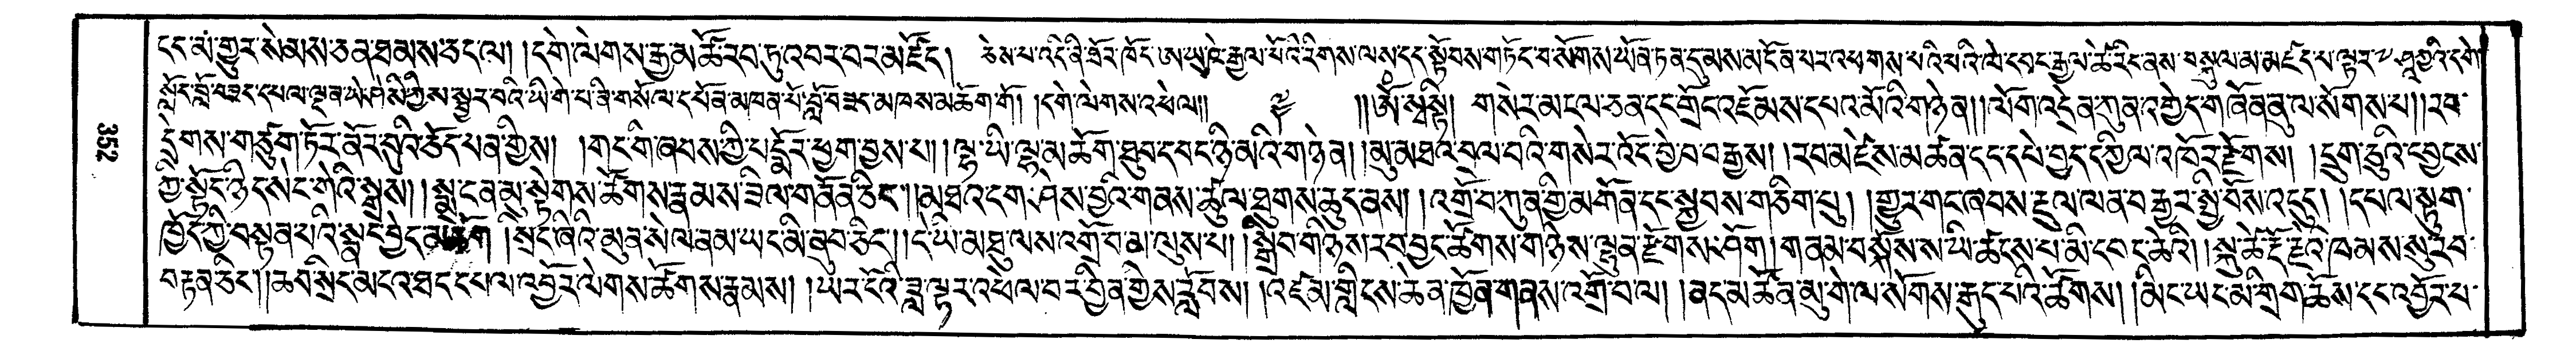དང་མ་གྱུར་སེམས་ཅན་ཐམས་ཅད་ལ། །དགེ་ལེགས་རྒྱ་མཚོ་རབ་ཏུ་འབར་བར་མཛོད། ཅེས་པ་འདི་ནི་ཐོར་ཁོད་ཨ་ཡུ་ཥེ་རྒྱལ་པོའི་རིགས་ལས་དད་སྟོབས་གཏོང་བ་སོགས་ཡོན་ཏན་དུ་མས་མངོན་པར་འཕགས་པའི་པའི་ལེ་དབང་རྒྱལ་ཚེ་རིང་ནས་བསྐུལ་མ་མཛད་པ་ལྟར་ཤཱཀྱའི་དགེ་
སློང་བློ་བཟང་དཔལ་ལྡན་ཡེ་ཤེས་ཀྱིས་སྦྱར་བའི་ཡི་གེ་པ་ནི་གསོལ་དཔོན་མཁན་པོ་བློ་བཟང་མཁས་མཆོག་གོ །དགེ་ལེགས་འཕེལ།། ༈ །།ཨོཾ་སྭསྟི། གསེར་མངལ་ཅན་དང་གྲོང་འཇོམས་དཔའ་མོའི་གཉེན། །ལོག་འདྲེན་ཀུན་འགྱེད་གཞོན་ནུ་ལ་སོགས་པ། །རབ་
དྲེགས་གཙུག་ཏོར་ནོར་བུའི་ཅོད་པཎ་གྱིས། །གང་གི་ཞབས་ཀྱི་པདམོར་ཕྱག་བྱས་པ། །ལྷ་ཡི་ལྷ་མཆོག་ཐུབ་དབང་ཉི་མའི་གཉེན། །མུ་མཐའ་བྲལ་བའི་གསེར་འོད་བྱེ་བ་བརྒྱས། །རབ་མཛེས་མཚན་དང་དཔེ་བྱད་དཀྱིལ་འཁོར་རྫོགས། །དྲུག་ཅུའི་དབྱངས་
ཀྱི་སྟོང་ཉིད་སེང་གེའི་སྒྲས། །སྨྲ་ངན་མུ་སྟེགས་ཚོགས་རྣམས་ཟིལ་གནོན་ཅིང་། །མཐའ་དག་ཤེས་བྱའི་གནས་ཚུལ་ཐུགས་ཆུད་ནས། །འགྲོ་བ་ཀུན་གྱི་མགོན་དང་སྐྱབས་གཅིག་པུ། །གྱུར་གང་ཞབས་རྡུལ་ལན་བརྒྱར་སྤྱི་བོས་འདུད། །དཔལ་སྟུག་
ཁྱོད་ཀྱི་བསྟན་པའི་སྣང་བྱེད་མཆོག །སྲིད་ཞིའི་མུན་སེལ་ནམ་ཡང་མི་ནུབ་ཅིང་། །དེ་ཡི་མཐུ་ལས་འགྲོ་བ་མ་ལུས་པ། །སྒྲིབ་གཉིས་རབ་བྱང་ཚོགས་གཉིས་ལྷུན་རྫོགས་ཤོག །གནམ་བསྐོས་ས་ཡི་ཚངས་པ་མི་དབང་ཆེའི། །སྐུ་ཚེ་རྡོ་རྗེའི་ཁམས་སུ་རབ་
བརྟན་ཅིང་། །ཆབ་སྲིད་མངའ་ཐང་དཔལ་འབྱོར་ལེགས་ཚོགས་རྣམས། །ཡར་ངོའི་ཟླ་ལྟར་འཕེལ་བར་བྱིན་གྱིས་རློབས། །འཛམ་གླིངས་ཆེན་ཁྱོན་གནས་འགྲོ་བ་ལ། །ནད་མཚོན་མུ་གེ་ལ་སོགས་རྒུད་པའི་ཚོགས། །མིང་ཡང་མི་གྲག་ཆོས་དང་འབྱོར་པ་